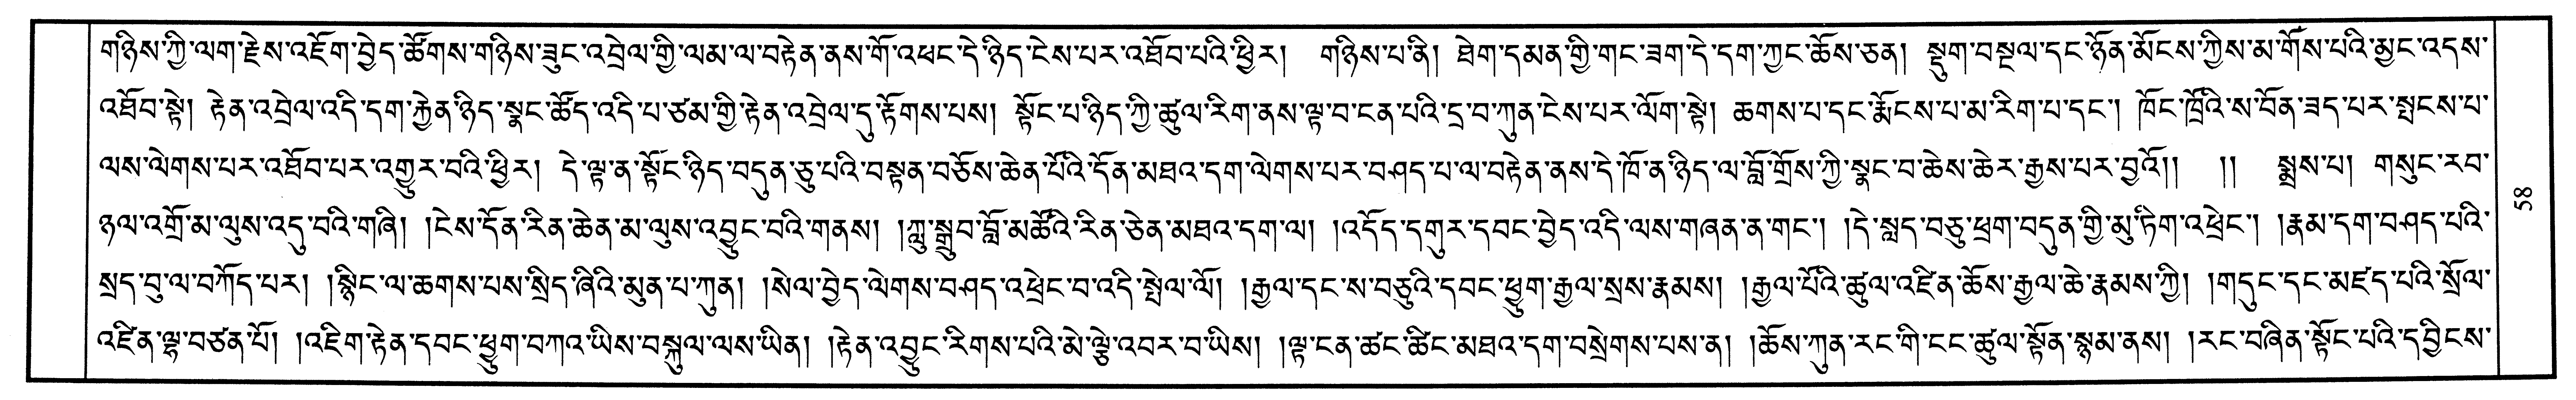གཉིས་ཀྱི་ལག་རྗེས་འཇོག་བྱེད་ཚོགས་གཉིས་ཟུང་འབྲེལ་གྱི་ལམ་ལ་བརྟེན་ནས་གོ་འཕང་དེ་ཉིད་ངེས་པར་འཐོབ་པའི་ཕྱིར། གཉིས་པ་ནི། ཐེག་དམན་གྱི་གང་ཟག་དེ་དག་ཀྱང་ཆོས་ཅན། སྡུག་བསྔལ་དང་ཉོན་མོངས་ཀྱིས་མ་གོས་པའི་མྱང་འདས་
འཐོབ་སྟེ། རྟེན་འབྲེལ་འདི་དག་རྐྱེན་ཉིད་སྣང་ཚོད་འདི་པ་ཙམ་གྱི་རྟེན་འབྲེལ་དུ་རྟོགས་པས། སྟོང་པ་ཉིད་ཀྱི་ཚུལ་རིག་ནས་ལྟ་བ་ངན་པའི་དྲ་བ་ཀུན་ངེས་པར་ལོག་སྟེ། ཆགས་པ་དང་རྨོངས་པ་མ་རིག་པ་དང་། ཁོང་ཁྲོའི་ས་བོན་ཟད་པར་སྤངས་པ་
ལས་ལེགས་པར་འཐོབ་པར་འགྱུར་བའི་ཕྱིར། དེ་ལྟ་ན་སྟོང་ཉིད་བདུན་ཅུ་པའི་བསྟན་བཅོས་ཆེན་པོའི་དོན་མཐའ་དག་ལེགས་པར་བཤད་པ་ལ་བརྟེན་ནས་དེ་ཁོ་ན་ཉིད་ལ་བློ་གྲོས་ཀྱི་སྣང་བ་ཆེས་ཆེར་རྒྱས་པར་བྱའོ།། །།སྨྲས་པ། གསུང་རབ་
ཉལ་འགྲོ་མ་ལུས་འདུ་བའི་གཞི། །ངེས་དོན་རིན་ཆེན་མ་ལུས་འབྱུང་བའི་གནས། །ཀླུ་སྒྲུབ་བློ་མཚོའི་རིན་ཅེན་མཐའ་དག་ལ། །འདོད་དགུར་དབང་བྱེད་འདི་ལས་གཞན་ན་གང་། །དེ་སླད་བཅུ་ཕྲག་བདུན་གྱི་མུ་ཏིག་འཕྲེང་། །རྣམ་དག་བཤད་པའི་
སྲད་བུ་ལ་བཀོད་པར། །སྙིང་ལ་ཆགས་པས་སྲིད་ཞིའི་མུན་པ་ཀུན། །སེལ་བྱེད་ལེགས་བཤད་འཕྲེང་བ་འདི་སྤེལ་ལོ། །རྒྱལ་དང་ས་བཅུའི་དབང་ཕྱུག་རྒྱལ་སྲས་རྣམས། །རྒྱལ་པོའི་ཚུལ་འཛིན་ཆོས་རྒྱལ་ཆེ་རྣམས་ཀྱི། །གདུང་དང་མཛད་པའི་སྲོལ་
འཛིན་ལྷ་བཙན་པོ། །འཇིག་རྟེན་དབང་ཕྱུག་བཀའ་ཡིས་བསྐུལ་ལས་ཡིན། །རྟེན་འབྱུང་རིགས་པའི་མེ་ལྕེ་འབར་བ་ཡིས། །ལྟ་ངན་ཚང་ཚིང་མཐའ་དག་བསྲེགས་པས་ན། །ཆོས་ཀུན་རང་གི་ངང་ཚུལ་སྟོན་སྙམ་ནས། །རང་བཞིན་སྟོང་པའི་དབྱིངས་